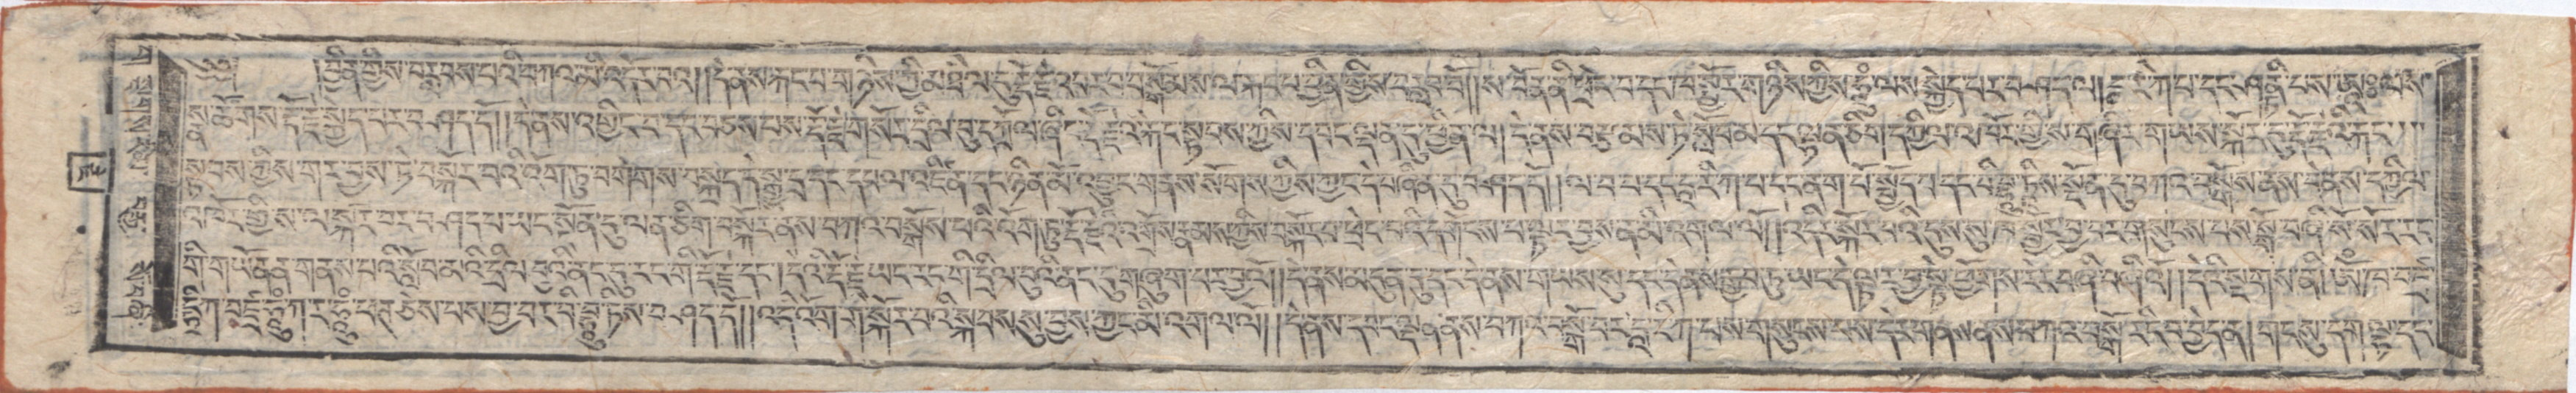༄༅། །བྱིན་གྱིས་བརླབས་པའི་བཀའ་མི་འདོར་བའ། །དེ་ནས་རྐང་པ་གཉིས་ཀྱི་མཐིལ་དུ་རྡོ་རྗེ་འབར་བ་བསྒོམས་ལ་རྐང་པ་བྱིན་གྱིས་བརླབ་བོ། །ས་བོན་ནི་ཕྲེང་བ་དང་ཁ་སྤྱོར་གཉིས་ཀྱིས་ཧཱུཾ་ལས་སྐྱེད་པར་བཤད་ལ། དཱ་རི་ཀ་པ་དང་ཤནྟི་པས་ཨཱཿ ལས་
སྣ་ཚོགས་རྡོ་རྗེ་སྐྱེད་པར་བཤད་དོ། །དེ་ནས་འགྱིང་བ་དང་བཅས་པས་རྡོ་རྗེ་གསོར་དྲིལ་བུ་དཀྲོལ་ཞིང་རྡོ་རྗེའི་རྐང་སྟབས་ཀྱིས་དབང་ལྡན་དུ་ཕྱིན་ལ། དེ་ནས་བརྩམས་ཏེ་སློབ་མ་དང་ལྷན་ཅིག་དཀྱིལ་འཁོར་གྱི་ས་གཞིར་གཡས་སྐོར་དུ་རྡོ་རྗེའི་རྐང་
སྟབས་ཀྱིས་གར་བྱས་ཏེ་བསྐོར་བའི་འོག་ཏུ་བགེགས་བསྐྲད་དེ་སྒྱུ་དྲ་དང་དཔལ་འཛིན་དང་ཉིན་མོ་འབྱུང་གནས་སོགས་ཀྱིས་ཀྱང་དེ་བཞིན་དུ་བཤད་དོ། །ལ་བ་པ་དང་དཱ་རི་ཀ་པ་དང་ནག་པོ་སྤྱོད་པ་དང་བི་བྷཱུ་ཏཱིས་སྔོན་དུ་བཀའ་བསྒོས་ནས་དེ་ནས་དཀྱིལ་
འཁོར་གྱི་ས་ལ་སྐོར་བར་བཤད་པ་ཡང་སྔོན་དུ་ལན་ཅིག་བསྐོར་ནས་བཀའ་བསྒོས་པའི་འོག་ཏུ་རྡོ་རྗེའི་འགྲོས་རྣམས་ཀྱིས་བསྐོར་བ་ཕྲེང་བའི་དགོངས་པ་ལྟར་བྱས་ན་མི་འགལ་ལོ། །འདིར་སྐོར་བའི་དུས་སུ་ཁ་སྦྱོར་བྱ་བར་གསུངས་པས་སྒོ་བཞི་སོ་སོར་རང་
གི་གཡོན་ན་གནས་པའི་སློབ་མའི་དྲིལ་བུའི་ནང་དུ་རང་གི་རྡོ་རྗེ་དང་། དེའི་རྡོ་རྗེ་ཡང་རང་གི་དྲིལ་བུའི་ནང་དུ་གཞུག་པར་བྱའོ། །དེ་ནས་མདུན་དུ་དང་དེ་ནས་གཡས་སུ་དང་དེ་ནས་རྒྱབ་ཏུ་ཡང་དེ་ལྟར་བྱ་སྟེ་ཕྱོགས་རེར་བཞི་བཞིའོ། །དེའི་སྔགས་ནི། ཨོཾ་ཁ་བཛྲ་
དྷྲི་ཀ་བཛྲ་ཧཱུཾ་ཀ་ར་ཧཱུཾ་ཕཊ་ཅེས་པས་བྱ་བར་བི་བྷཱུ་ཏིས་བཤད་དོ། །འདི་འོག་གི་སྐོར་བའི་སྐབས་སུ་བྱས་ཀྱང་མི་འགལ་ལོ། །དེ་ནས་དབང་ལྡན་ནས་བཀའ་བསྒོ་བར་དཱ་རི་ཀ་པས་གསུངས་པས་དེར་གནས་ནས་བཀའ་བསྒོ་རིང་བ་བྱེད་ན། གངས་སུ་དག་ལྷ་དང་